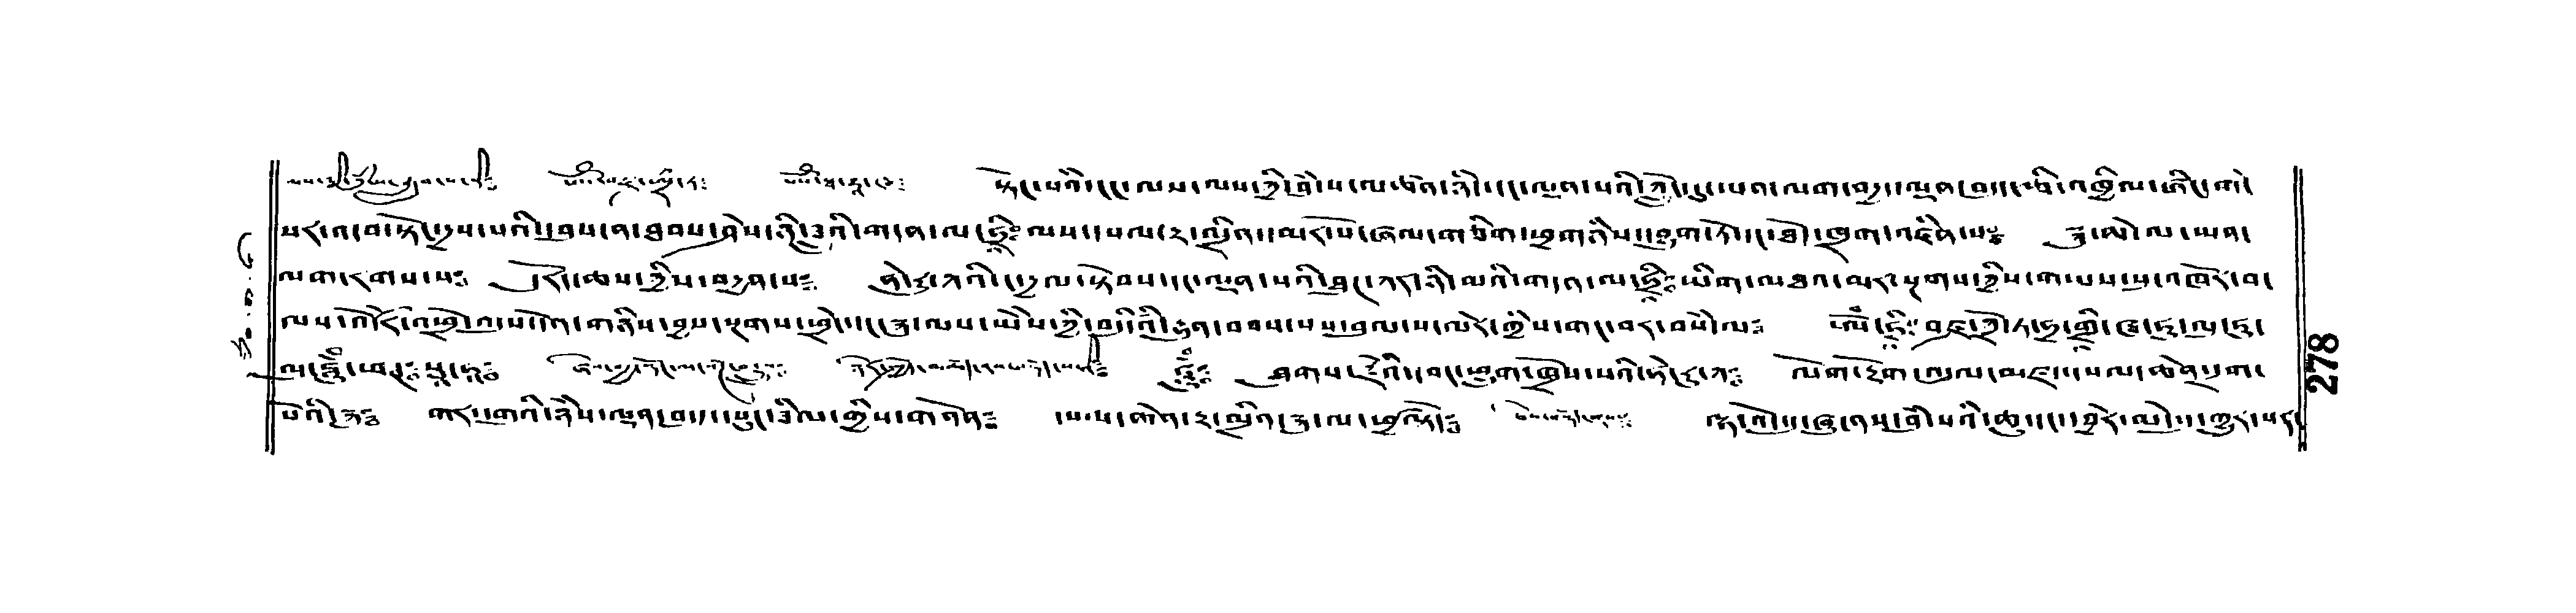ལས་ཀྱི་བུམ་པ་སྒྲུབ་པ་ནི༔ ཨོཾ་བཛྲ་ཨྲྀ་ཏ༴ ཨོཾ་སྭ་བྷཱ་ཝ༴ སྟོང་པའི་ངང་ལས་ལས་ཀྱི་བུམ་པ་མཚན་ཉིད་དང་ལྡན་པའི་ཀློང་དུ་ཡན་ལག་བརྒྱད་ལྡན་བདུད་རྩི་འཁྱིལ་ཞིང་གེ་
སར་འདབ་སྟོང་རྒྱས་པའི་དབུས་ན་ཐབས་ཤེས་ཉི་ཟླའི་གདན་ལ་ཧྲཱིཿལས་དཔལ་རྟ་མགྲིན་དམར་པོ་ཞལ་གཅིག་ཕྱག་གཉིས་དབྱུག་ཏོ་དང་ཐོད་ཁྲག་འཛིན་པ༔ སྐུ་ཆེ་ལ་ཡན་
ལག་རགས་པ༔ དུར་ཁྲོད་ཆས་ཀྱིས་བརྒྱན་པ༔ ཧེ་རུ་ཀའི་ང་རྒྱལ་སྟོབས་དང་ལྡན་པའི་ཐུགས་ཀར་ཉི་མའི་གདན་ལ་ཧྲཱིཿཡིག་མཐའ་མར་སྔགས་ཀྱིས་གཡས་སུ་འཁོར་བ་
ལས་འོད་ཟེར་འཕྲོས་འདུས་དོན་གཉིས་བྱས་སྔགས་ཕྲེང་དང་སྐུ་ལས་ཡེ་ཤེས་ཀྱི་བདུད་རྩིའི་རྒྱུན་བབས་པས་བུམ་པ་མེར་གྱིས་གང་བར་བསམ་ལ༔ ཨོཾ་ཧྲཱིཿབཛྲ་ཀྲོ་ཏ་ཧྱ་གྲཱི་ཝ་ཧུ་ལུ་ཧུ་
ལུ་ཧཱུྃ་ཕཊཿསྭཱ་ཧཱ༔ ཞེས་བརྒྱ་སྟོང་ལ་སོགས་བཟླས༔ཉེར་སྤྱོད་མཆོད་ནས་བསྟོད་པ་ནི༔ ཧཱུྃ༔ ཐུགས་རྗེའི་དབང་ཕྱུག་ཁྲོས་པའི་ཧེ་རུ་ཀ༔ ལོག་རྟོག་འདུལ་མཛད་དཔལ་ཆེན་དྲག་
པོའི་སྐུ༔ གར་དགུའི་ཉམས་ལྡན་བདུད་དཔུང་ཟིལ་གྱིས་གནོན༔ དཔལ་ཆེན་རྟ་མགྲིན་སྐུ་ལ་ཕྱག་འཚལ་བསྟོད༔ ཅེས་བསྟོད་ནས༔ ལྷ་འོད་དུ་ཞུ་ནས་བུམ་པའི་ཆུ་དང་དབྱེར་མེད་དུ་གྱུར་པར་